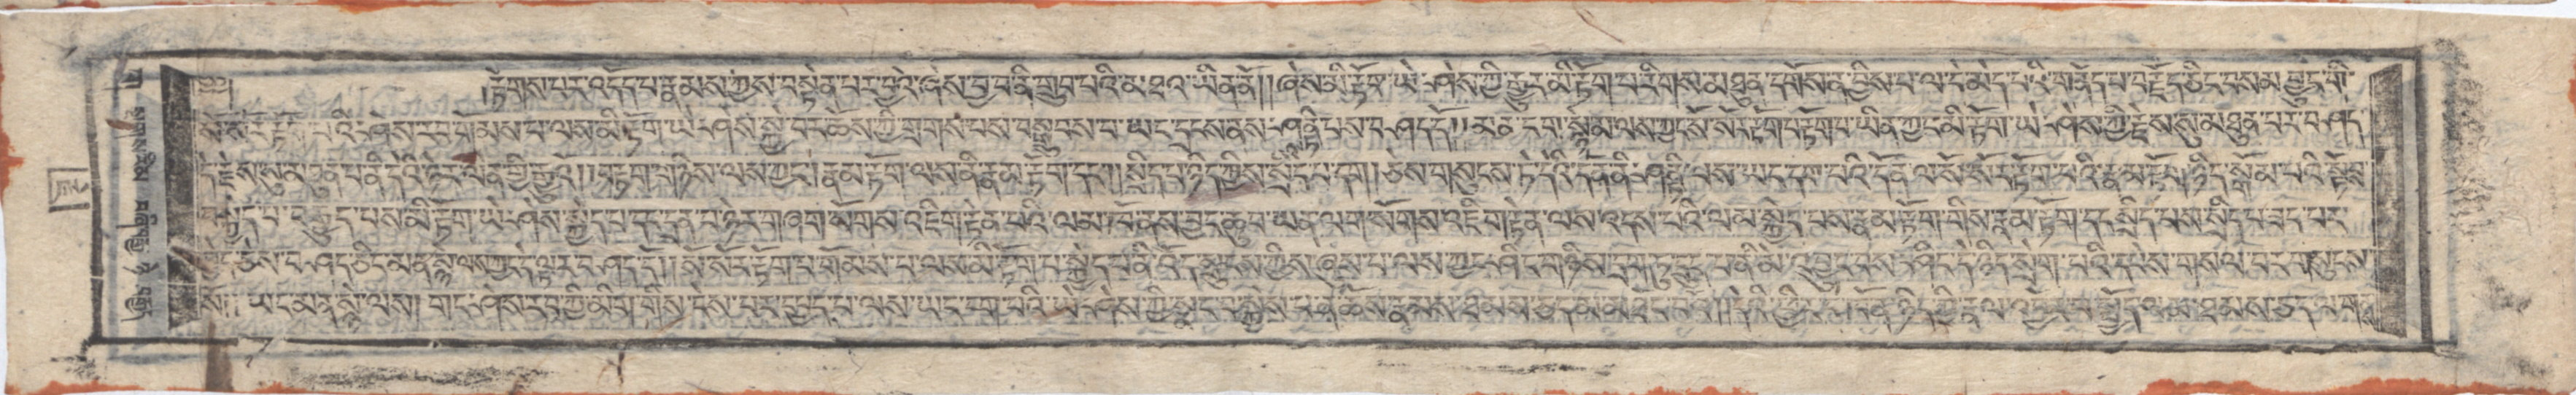༄༅། །རྟོགས་པར་འདོད་པ་རྣམས་ཀྱིས་བསྟེན་པར་བྱའོ་ཞེས་བྱ་བ་ནི་གྲུབ་པའི་མཐའ་ཡིན་ནོ། །ཞེས་མི་རྟོག་ཡེ་ཤེས་ཀྱི་རྒྱུར་མི་རྟོག་པ་རིགས་མཐུན་དགོས་ན་བྱིས་པ་ལ་དེ་མེད་པའི་གནོད་པ་བརྗོད་ཅིང་བསམ་བྱུང་གི་
སོ་སོར་རྟོག་པའི་ཤེས་རབ་གོམས་པ་ལས་མི་རྟོག་ཡེ་ཤེས་སྐྱེ་བར་ཆོས་ཀྱི་གྲགས་པས་བསྒྲུབས་པ་ཡང་དྲངས་ནས་ཤནྟི་པས་བཤད་དོ། །མན་ངག་སྙེ་མ་ལས་ཀྱང་སོ་སོར་རྟོག་པ་རྟོག་པ་ཡིན་ཀྱང་མི་རྟོག་ཡེ་ཤེས་ཀྱི་རྗེས་སུ་མཐུན་པར་བཤད་
དེ་རྗེས་སུ་མཐུན་པ་ནི་དེའི་ཉེར་ལེན་གྱི་རྒྱུའོ། །བརྟག་གཉིས་ལས་ཀྱང་། རྣམ་རྟོག་ལས་ནི་རྣམ་རྟོག་དང་། །སྲིད་པ་ཉིད་ཀྱིས་སྲིད་པ་དག །ཅེས་གསུངས་ཏེ་དེའི་དོན་ནི་ཤནྟི་པས་ཡང་དག་པའི་དོན་ལ་སོ་སོར་རྟོག་པའི་རྣམ་རྟོག་ཉིད་སྒོམ་པའི་སྟོབས་
བསྐྱེད་པ་བརྒྱུད་པས་མི་རྟོག་ཡེ་ཤེས་སྐྱེད་པ་དང་དྲན་པ་ཉེར་གཞག་སོགས་འཇིག་རྟེན་པའི་ལམ་ཁོ་ནས་བྱང་ཆུབ་ཡན་ལག་སོགས་འཇིག་རྟེན་ལས་འདས་པའི་ལམ་སྐྱེད་པས་རྣམ་རྟོག་གིས་རྣམ་རྟོག་དང་སྲིད་པས་སྲིད་པ་ཟད་པར་
བྱེད་ཅེས་བཤད་ཅིང་མན་སྙེ་ལས་ཀྱང་དེ་ལྟར་བཤད་དོ། །སོ་སོར་རྟོག་པ་གོམས་པ་ལས་མི་རྟོག་པ་སྐྱེད་པ་ནི་འོད་སྲུངས་ཀྱིས་ཞུས་པ་ལས་ཀྱང་ཤིང་གཉིས་དྲག་ཏུ་དྲུག་པ་ནི་མེ་འབྱུང་བས་ཤིང་དེ་ཉིད་སྲེག་པའི་དཔེས་གསལ་བར་གསུངས་
སོ༑ ༑ཡང་མན་སྙེ་ལས། གང་ཤེས་རབ་ཀྱི་མིག་གིས་ངེས་པར་དཔྱད་པ་ལས་ཡང་དག་པའི་ཡེ་ཤེས་ཀྱི་སྣང་བ་སྐྱེས་པ་ན་ཆོས་རྣམས་ཐམས་ཅད་མ་མཐོང་བའོ། །དེའི་ཕྱིར་དེ་ཁོ་ན་ཉིད་ཀྱི་རྣལ་འབྱོར་པ་སྤྱོད་ལམ་ཐམས་ཅད་ལ་གནས་